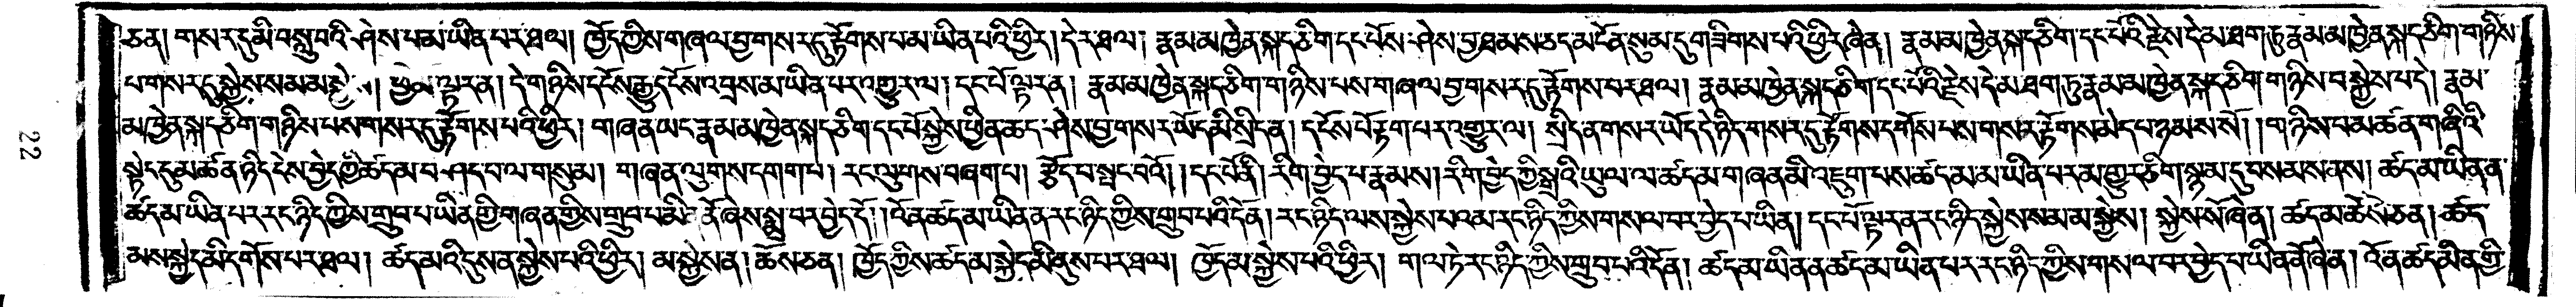ཅན༑ གསར་དུ་མི་བསླུ་བའི་ཤེས་པ་མ་ཡིན་པར་ཐལ། ཁྱོད་ཀྱིས་གཞལ་བྱ་གསར་དུ་རྟོགས་པ་མ་ཡིན་པའི་ཕྱིར། དེར་ཐལ། རྣམ་མཁྱེན་སྐད་ཅིག་དང་པོས་ཤེས་བྱ་ཐམས་ཅད་མངོན་སུམ་དུ་གཟིགས་པའི་ཕྱིར་ཞེ་ན། རྣམ་མཁྱེན་སྐད་ཅིག་དང་པོའི་རྗེས་དེ་མ་ཐག་ཏུ་རྣམ་མཁྱེན་སྐད་ཅིག་གཉིས་
པ་གསར་དུ་སྐྱེས་སམ་མ་སྐྱེས། ཕྱི་མ་ལྟར་ན། དེ་གཉིས་དངོས་རྒྱུ་དངོས་འབྲས་མ་ཡིན་པར་འགྱུར་ལ། དང་པོ་ལྟར་ན། རྣམ་མཁྱེན་སྐད་ཅིག་གཉིས་པས་གཞལ་བྱ་གསར་དུ་རྟོགས་པར་ཐལ། རྣམ་མཁྱེན་སྐད་ཅིག་དང་པོའི་རྗེས་དེ་མ་ཐག་ཏུ་རྣམ་མཁྱེན་སྐད་ཅིག་གཉིས་པ་སྐྱེས་པ་དེ། རྣམ་
མཁྱེན་སྐད་ཅིག་གཉིས་པས་གསར་དུ་རྟོགས་པའི་ཕྱིར། གཞན་ཡང་རྣམ་མཁྱེན་སྐད་ཅིག་དང་པོ་སྐྱེས་ཕྱིན་ཆད་ཤེས་བྱ་གསར་ཡོད་མི་སྲིད་ན། དངོས་པོ་རྟག་པར་འགྱུར་ལ། སྲིད་ན་གསར་ཡོད་དེ་ཉིད་གསར་དུ་རྟོགས་དགོས་པས་གསར་རྟོགས་མེད་པ་ཉམས་སོ། །གཉིས་པ་མཚན་གཞིའི་
སྟེང་དུ་མཚན་ཉིད་ངེས་བྱེད་ཀྱི་ཚད་མ་བཤད་པ་ལ་གསུམ། གཞན་ལུགས་དགག་པ། རང་ལུགས་བཞག་པ། རྩོད་པ་སྤང་བའོ། །དང་པོ་ནི། རིག་བྱེད་པ་རྣམས། རིག་བྱེད་ཀྱི་སྒྲའི་ཡུལ་ལ་ཚད་མ་གཞན་མི་འཇུག་པས་ཚད་མ་མ་ཡིན་པར་མ་གྱུར་ཅིག་སྙམ་དུ་བསམས་ནས། ཚད་མ་ཡིན་ན་
ཚད་མ་ཡིན་པར་རང་ཉིད་ཀྱིས་གྲུབ་པ་ཡིན་གྱིས་གཞན་གྱིས་གྲུབ་པ་མིན་ནོ་ཞེས་སྨྲ་བར་བྱེད་དོ། །འོ་ན་ཚད་མ་ཡིན་ན་རང་ཉིད་ཀྱིས་གྲུབ་པའི་དོན། རང་ཉིད་ལས་སྐྱེས་པའམ་རང་ཉིད་ཀྱིས་གསལ་བར་བྱེད་པ་ཡིན། དང་པོ་ལྟར་ན་རང་ཉིད་སྐྱེས་སམ་མ་སྐྱེས། སྐྱེས་སོ་ཞེ་ན། ཚད་མ་ཆོས་ཅན། ཚད་
མས་སྐྱེད་མི་དགོས་པར་ཐལ། ཚད་མའི་དུས་ན་སྐྱེས་པའི་ཕྱིར། མ་སྐྱེས་ན། ཆོས་ཅན། ཁྱོད་ཀྱིས་ཚད་མ་སྐྱེད་མི་ནུས་པར་ཐལ། ཁྱོད་མ་སྐྱེས་པའི་ཕྱིར། གལ་ཏེ་རང་ཉིད་ཀྱིས་གྲུབ་པའི་དོན། ཚད་མ་ཡིན་ན་ཚད་མ་ཡིན་པར་རང་ཉིད་ཀྱིས་གསལ་བར་བྱེད་པ་ཡིན་ནོ་ཞེ་ན། འོ་ན་ཚད་མིན་གྱི་